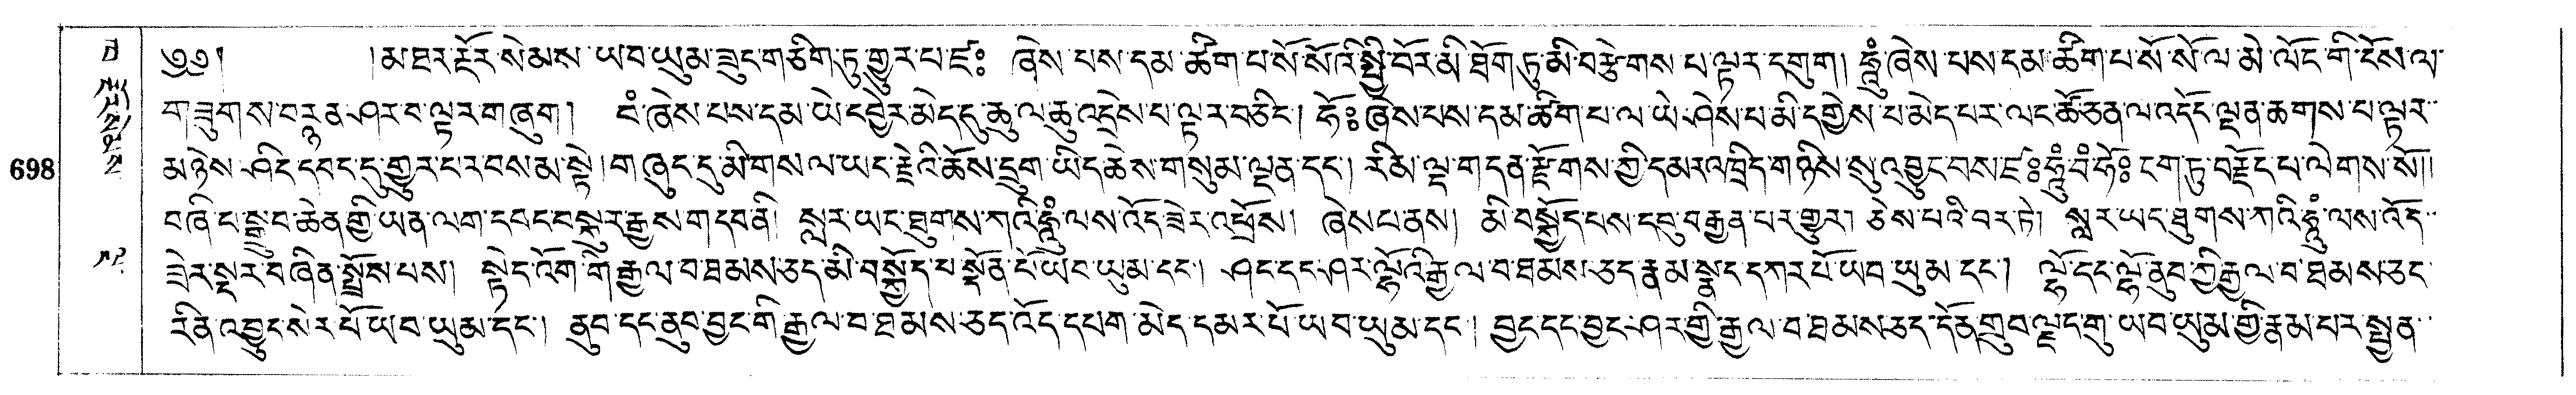༄༅། །མཐར་རྡོར་སེམས་ཡབ་ཡུམ་ཟུང་གཅིག་ཏུ་གྱུར་པ་ཛཿ ཞེས་པས་དམ་ཚིག་པ་སོ་སོའི་སྤྱི་བོར་མི་ཐོག་ཏུ་མི་བརྩེགས་པ་ལྟར་དགུག །ཧཱུཾ་ཞེས་པས་དམ་ཚིག་པ་སོ་སོ་ལ་མེ་ལོང་གི་ངོས་ལ་
གཟུགས་བརྙན་ཤར་བ་ལྟར་གཞུག །བཾ་ཞེས་པས་དམ་ཡེ་དབྱེར་མེད་དུ་ཆུ་ལ་ཆུ་འདྲེས་པ་ལྟར་བཅིང་། ཧོཿ ཞེས་པས་དམ་ཚིག་པ་ལ་ཡེ་ཤེས་པ་མི་དགྱེས་པ་མེད་པར་ལང་ཚོ་ཅན་ལ་འདོང་ལྡན་ཆགས་པ་ལྟར་
མཉེས་ཤིང་དབང་དུ་གྱུར་པར་བསམ་སྟེ། གཞུང་དུ་མི་གསལ་ཡང་རྗེའི་ཆོས་དྲུག་ཡིད་ཆེས་གསུམ་ལྡན་དང་། རིམ་ལྔ་གདན་རྫོགས་ཀྱི་དམར་འཁྲིད་གཉིས་སུ་འབྱུང་བས་ཛཿ ཧཱུཾ་བཾ་ཧོཿ ངག་ཏུ་བརྗོད་པ་ལེགས་སོ།།
བཞི་པ་སྒྲུབ་ཆེན་གྱི་ཡན་ལག་དབང་བསྐུར་རྒྱས་གདབ་ནི། སླར་ཡང་ཐུགས་ཀའི་ཧཱུཾ་ལས་འོད་ཟེར་འཕྲོས། ཞེས་པ་ནས། མི་བསྐྱོད་པས་དབུ་བརྒྱན་པར་གྱུར། ཅེས་པའི་བར་ཏེ། སླར་ཡང་ཐུགས་ཀའི་ཧཱུཾ་ལས་འོད་
ཟེར་སྔར་བཞིན་སྤྲོས་པས། སྟེང་འོག་གི་རྒྱལ་བ་ཐམས་ཅད་མི་བསྐྱོད་པ་སྔོན་པོ་ཡབ་ཡུམ་དང་། ཤང་དང་ཤར་ལྷོའི་རྒྱལ་བ་ཐམས་ཅད་རྣམ་སྣང་དཀར་པོ་ཡབ་ཡུམ་དང་། ལྷོ་དང་ལྷོ་ནུབ་ཀྱི་རྒྱལ་བ་ཐམས་ཅད་
རིན་འབྱུང་སེར་པོ་ཡབ་ཡུམ་དང་། ནུབ་དང་ནུབ་བྱང་གི་རྒྱལ་བ་ཐམས་ཅད་འོད་དཔག་མེད་དམར་པོ་ཡབ་ཡུམ་དང་། བྱང་དང་བྱང་ཤར་གྱི་རྒྱལ་བ་ཐམས་ཅད་དོན་གྲུབ་ལྗང་གུ་ཡབ་ཡུམ་གྱི་རྣམ་པར་སྤྱན་